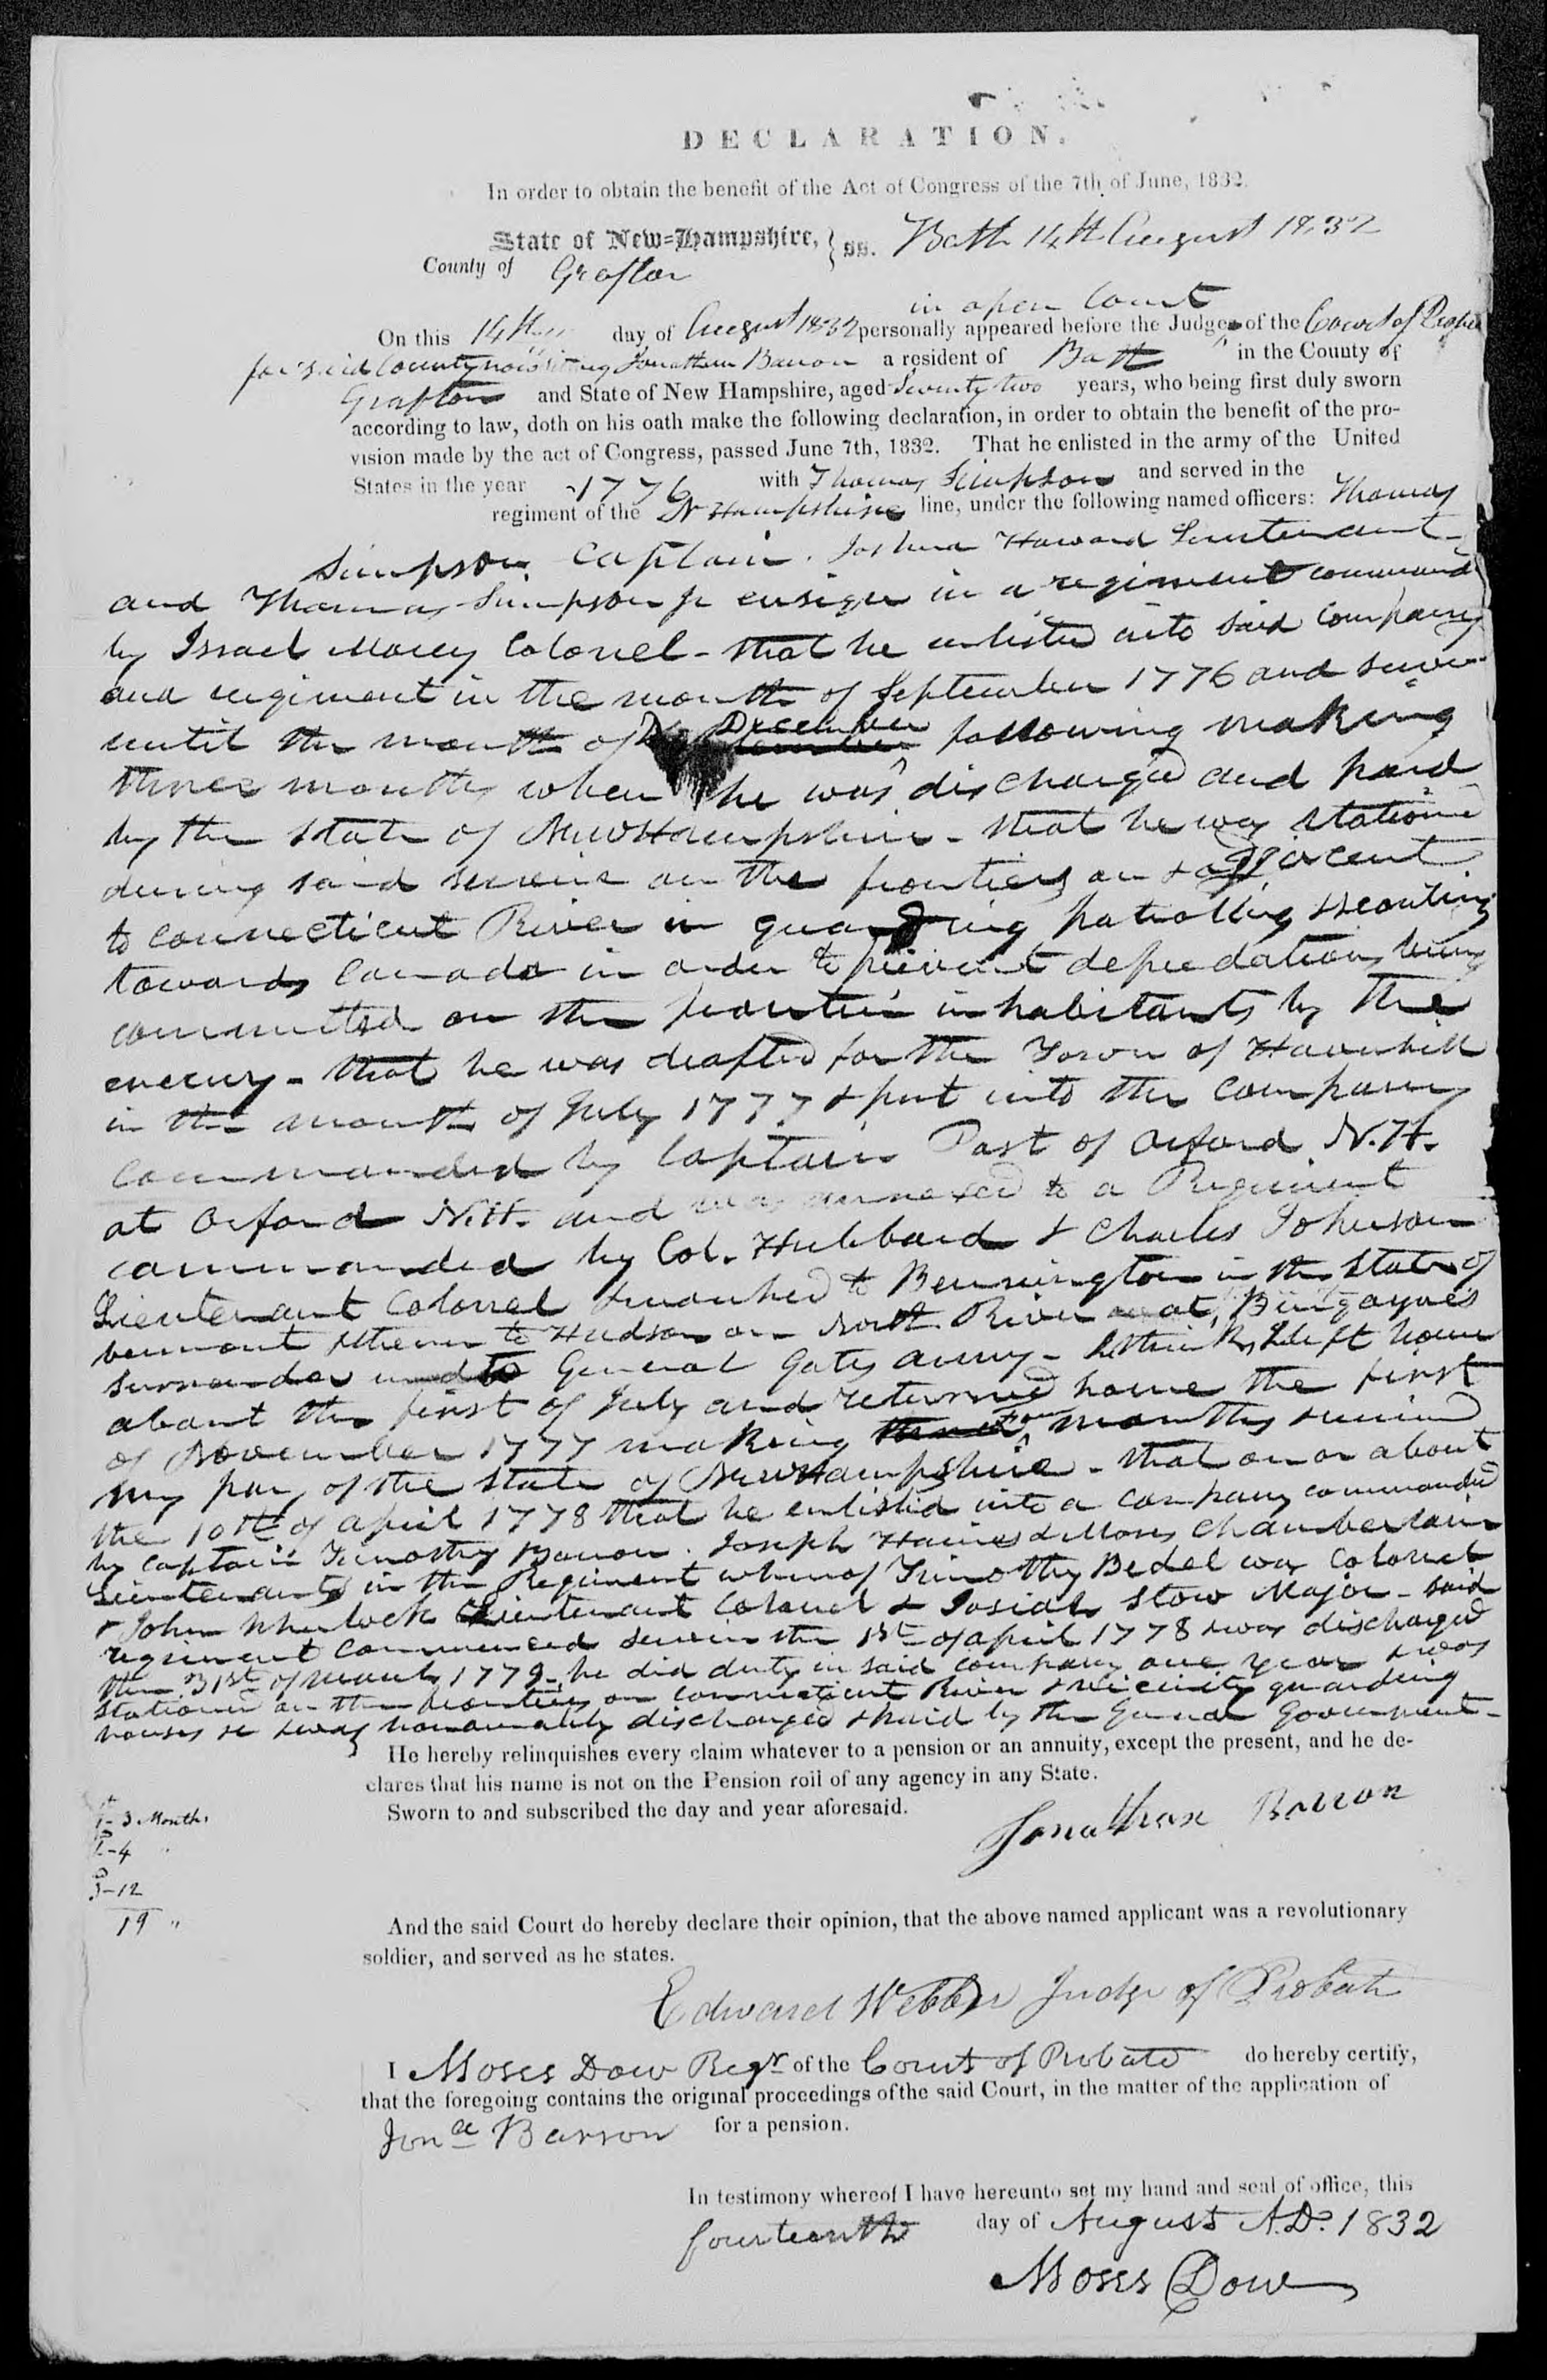DECLARATION.

In order to obtain the benefit of the Act of Congress of the 7th of June 1832
State of New Hampshire, County of Grafton} ss. Batt 14th August 1832

On this 14th day of August 1832 personally appeared before the Judge [inserted in handwriting above: in open Court] of the Court of Probate for said County now sitting Jonathan Barron a resident of Batt in the County of Grafton and State of New Hampshire, aged Seventy two years, who being first duly sworn according to law, doth on his oath make the following declaration, in order to obtain the benefit of the provision made by the act of Congress, passed June 7th, 1832. That he enlisted in the army of the United States in the year 1776 with Thomas Simpson and served in the regiment of the N Hampshire line, under the following named officers: Thomas Simpson Captain. Joshua Howard Lieutenant, and Thomas Simpson Jr ensign in a regiment commanded by Issack Macey Colonel. That he enlisted into said Company and regiment in the [illegible] of September 1776 and served until the month of December [December written above a crossed out word that is covered in smeared ink] following [illegible] months when he was discharged and paid by the State of New Hampshire. That he was stationed during said service on the frontier area & adjacent to Connecticut River in guarding patrolling scouting towards Canada in order to prevent depredation being committed on the frontier inhabitants by the enemy. That he was drafted for the Town of Havenhill in the month of July 1777 & put into the company commanded by Captain Past of Oxford N.H. at Oxford N.H. and was annexed to a Regiment commanded by Col. Hubbard & Charles Johusan Lieutenant Colonel [illegible] to Bennington in the State of  Vermont [illegible] to Hudson and North River [illegible]at Burgoyne's surrender [illegible] General Gates army. [illegible] about the first of July and returned home the first of November 1777 making [crossed out illegible and written above illegible] months [illegible] of the state of New Hampshire. That on or about the 10th of April 1778 that he enlisted into a company commanded by Captain Timothy Barron. Josph Haines & Moses Chamberlain Lieutenants in the Regiment [illegible] Timothy Bedel was Colonel & John Wheelock Lieutenant Colonel & Josiah Stow Major. Said regiment commenced service [illegible] 1st of April 1778 was dischaged the 31st of March 1779. He did duty in said company one year & was stationed at [illegible] on Connecticut River [illegible] guarding houses [illegible] honorably discharged [illegible] by the [illegible] government.

He hereby relinquishes every claim whatever to a pension or an annuity, except the present, and he declares that his name is not on the Pension roll of any agency in any State. 
Sworn to and subscribed the day and year aforesaid.
Jonathan Barron

And the said Court do hereby declare their opinion, that the above named applicant was a revolutionary soldier, and served as he states.
Edward Webber Judge of Probate

[there is some writing to the side on the left  appears to be tallying months of service.]

Moses Dow Regs of the Court of Probate do hereby certify that the foregoing contains the original proceedings of the said Court, in the matter of the application of Jona Barron for a pension.

In testimony whereof I have hereunto set my hand and seal of office, this fourteenth day of August A.D. 1832
Moses Dow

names: Charles Johnson, Jonathan Barron, Israel Marcy, Timothy Barron, Edward Webber, Moses Chamberlain, Joshua Howard, Thomas Simpson, Hubbard, Jonathan Barron, Joseph Haines, Moses Dow, Jona Barron, Thomas Simpson, Thomas Simpson, Moses Dow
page: 4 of 25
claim: survivor's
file: S. 28986, Jonathan Barron, N.H.